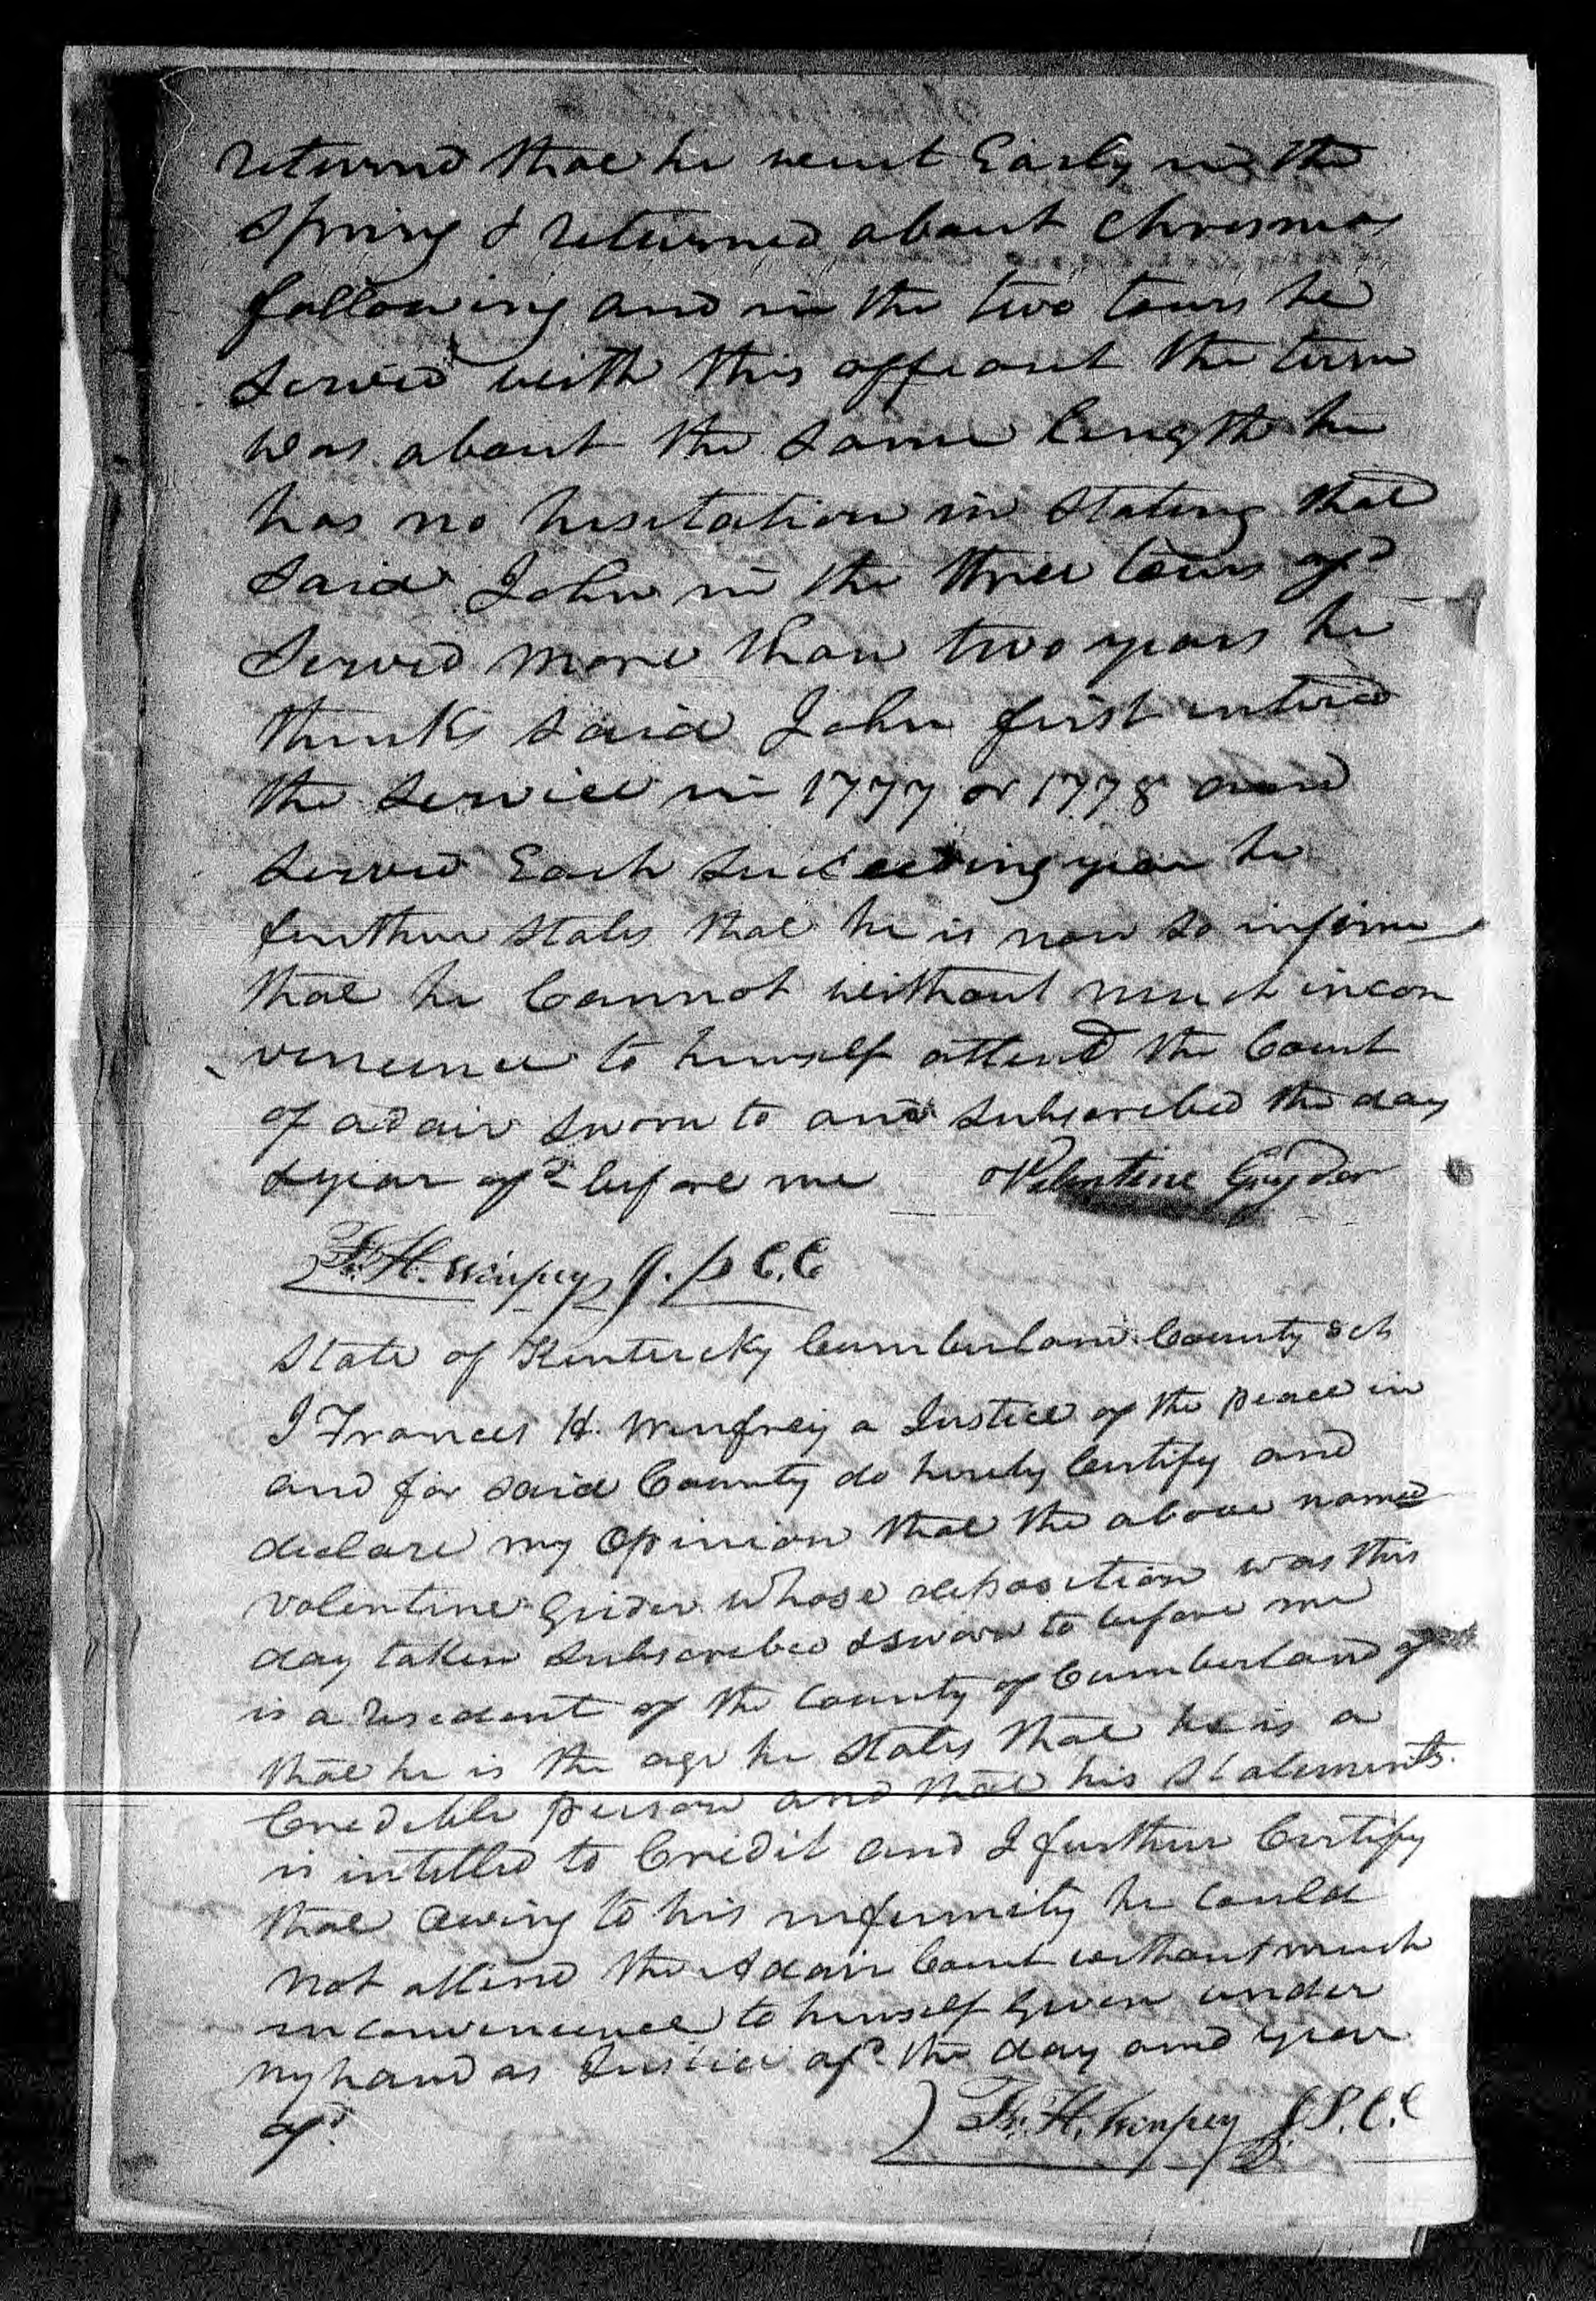returned that he went early and the spring and returned about Chrismas [Christmas] following and [illegible] the two tours he served with this affiant the terms was about the same length [illegible] has no hesitation in stating that said John [illegible] the three tours of  Served more than two years he thinks said John first entered the service in 1777 or 1778 and served each succeeding year he further states that  he is now so infirm that he cannot without much inconvenience  to himself attend the court of Adair Sworn to and subscribed this day and year of [illegible] [illegible] me [signed] Valentine Grider
F H Winfrey JP C.C

State of Kentucky Cumberland County 
I Frances H Winfrey a Justice of the Peace in and for said county do hereby certify and declare my opinion  that the above named Valentine Grider whose deposition was this day taken subscribed and sworn to before me is a resident of the county of Cumberland . that he is the age he states that he is the age he states that he is a credible person and that his statements is intitled [entitled] to credit and I further certify that owing to his infirmity he could not attend the Adair Court without much inconvenience to himself given under my hand as Justice af? the day and year of ?  F. H . Winfrey JP CC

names: John, John, F H Winfrey, F H Winfrey, Valentine Gryder, Valentine Grider, Francis H Winfrey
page: 83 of 91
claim: widow's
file: W 358, John Grider, N.C.